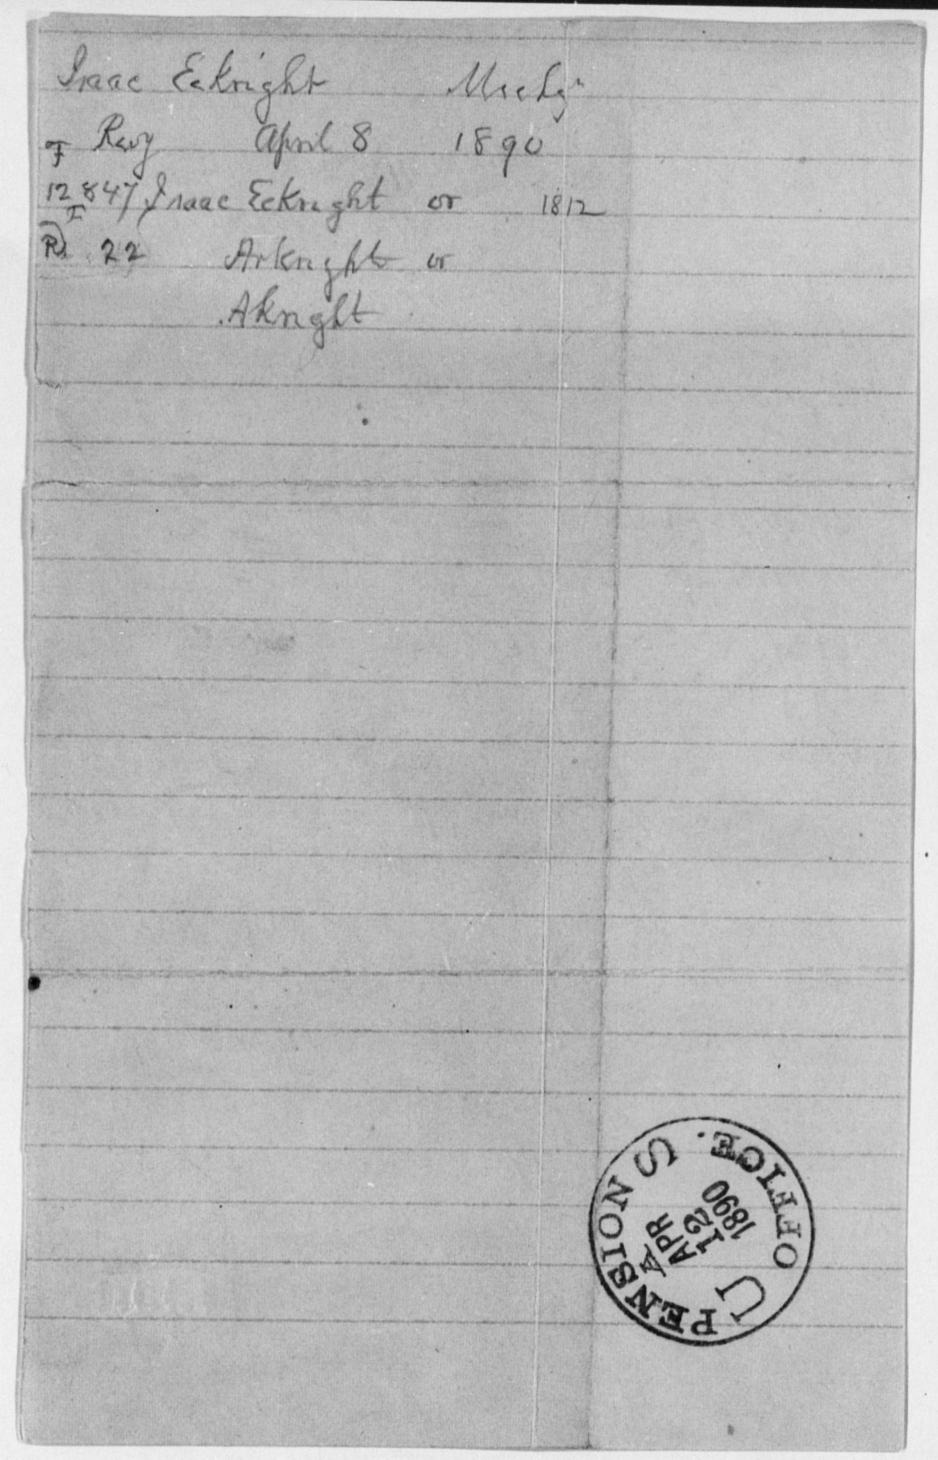Isaac Eckright

Revy April 8 1890
12847 Isaac Eckright or 1812
R 22 Arkright or Akright


US Pension Office Stamp - Apr 12 1890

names: Isaac Eckright, Isaac Arkright, Isaac Akright, Isaac Eckright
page: 15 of 15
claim: rejected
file: R. 22, Isaac Ackright, Md.